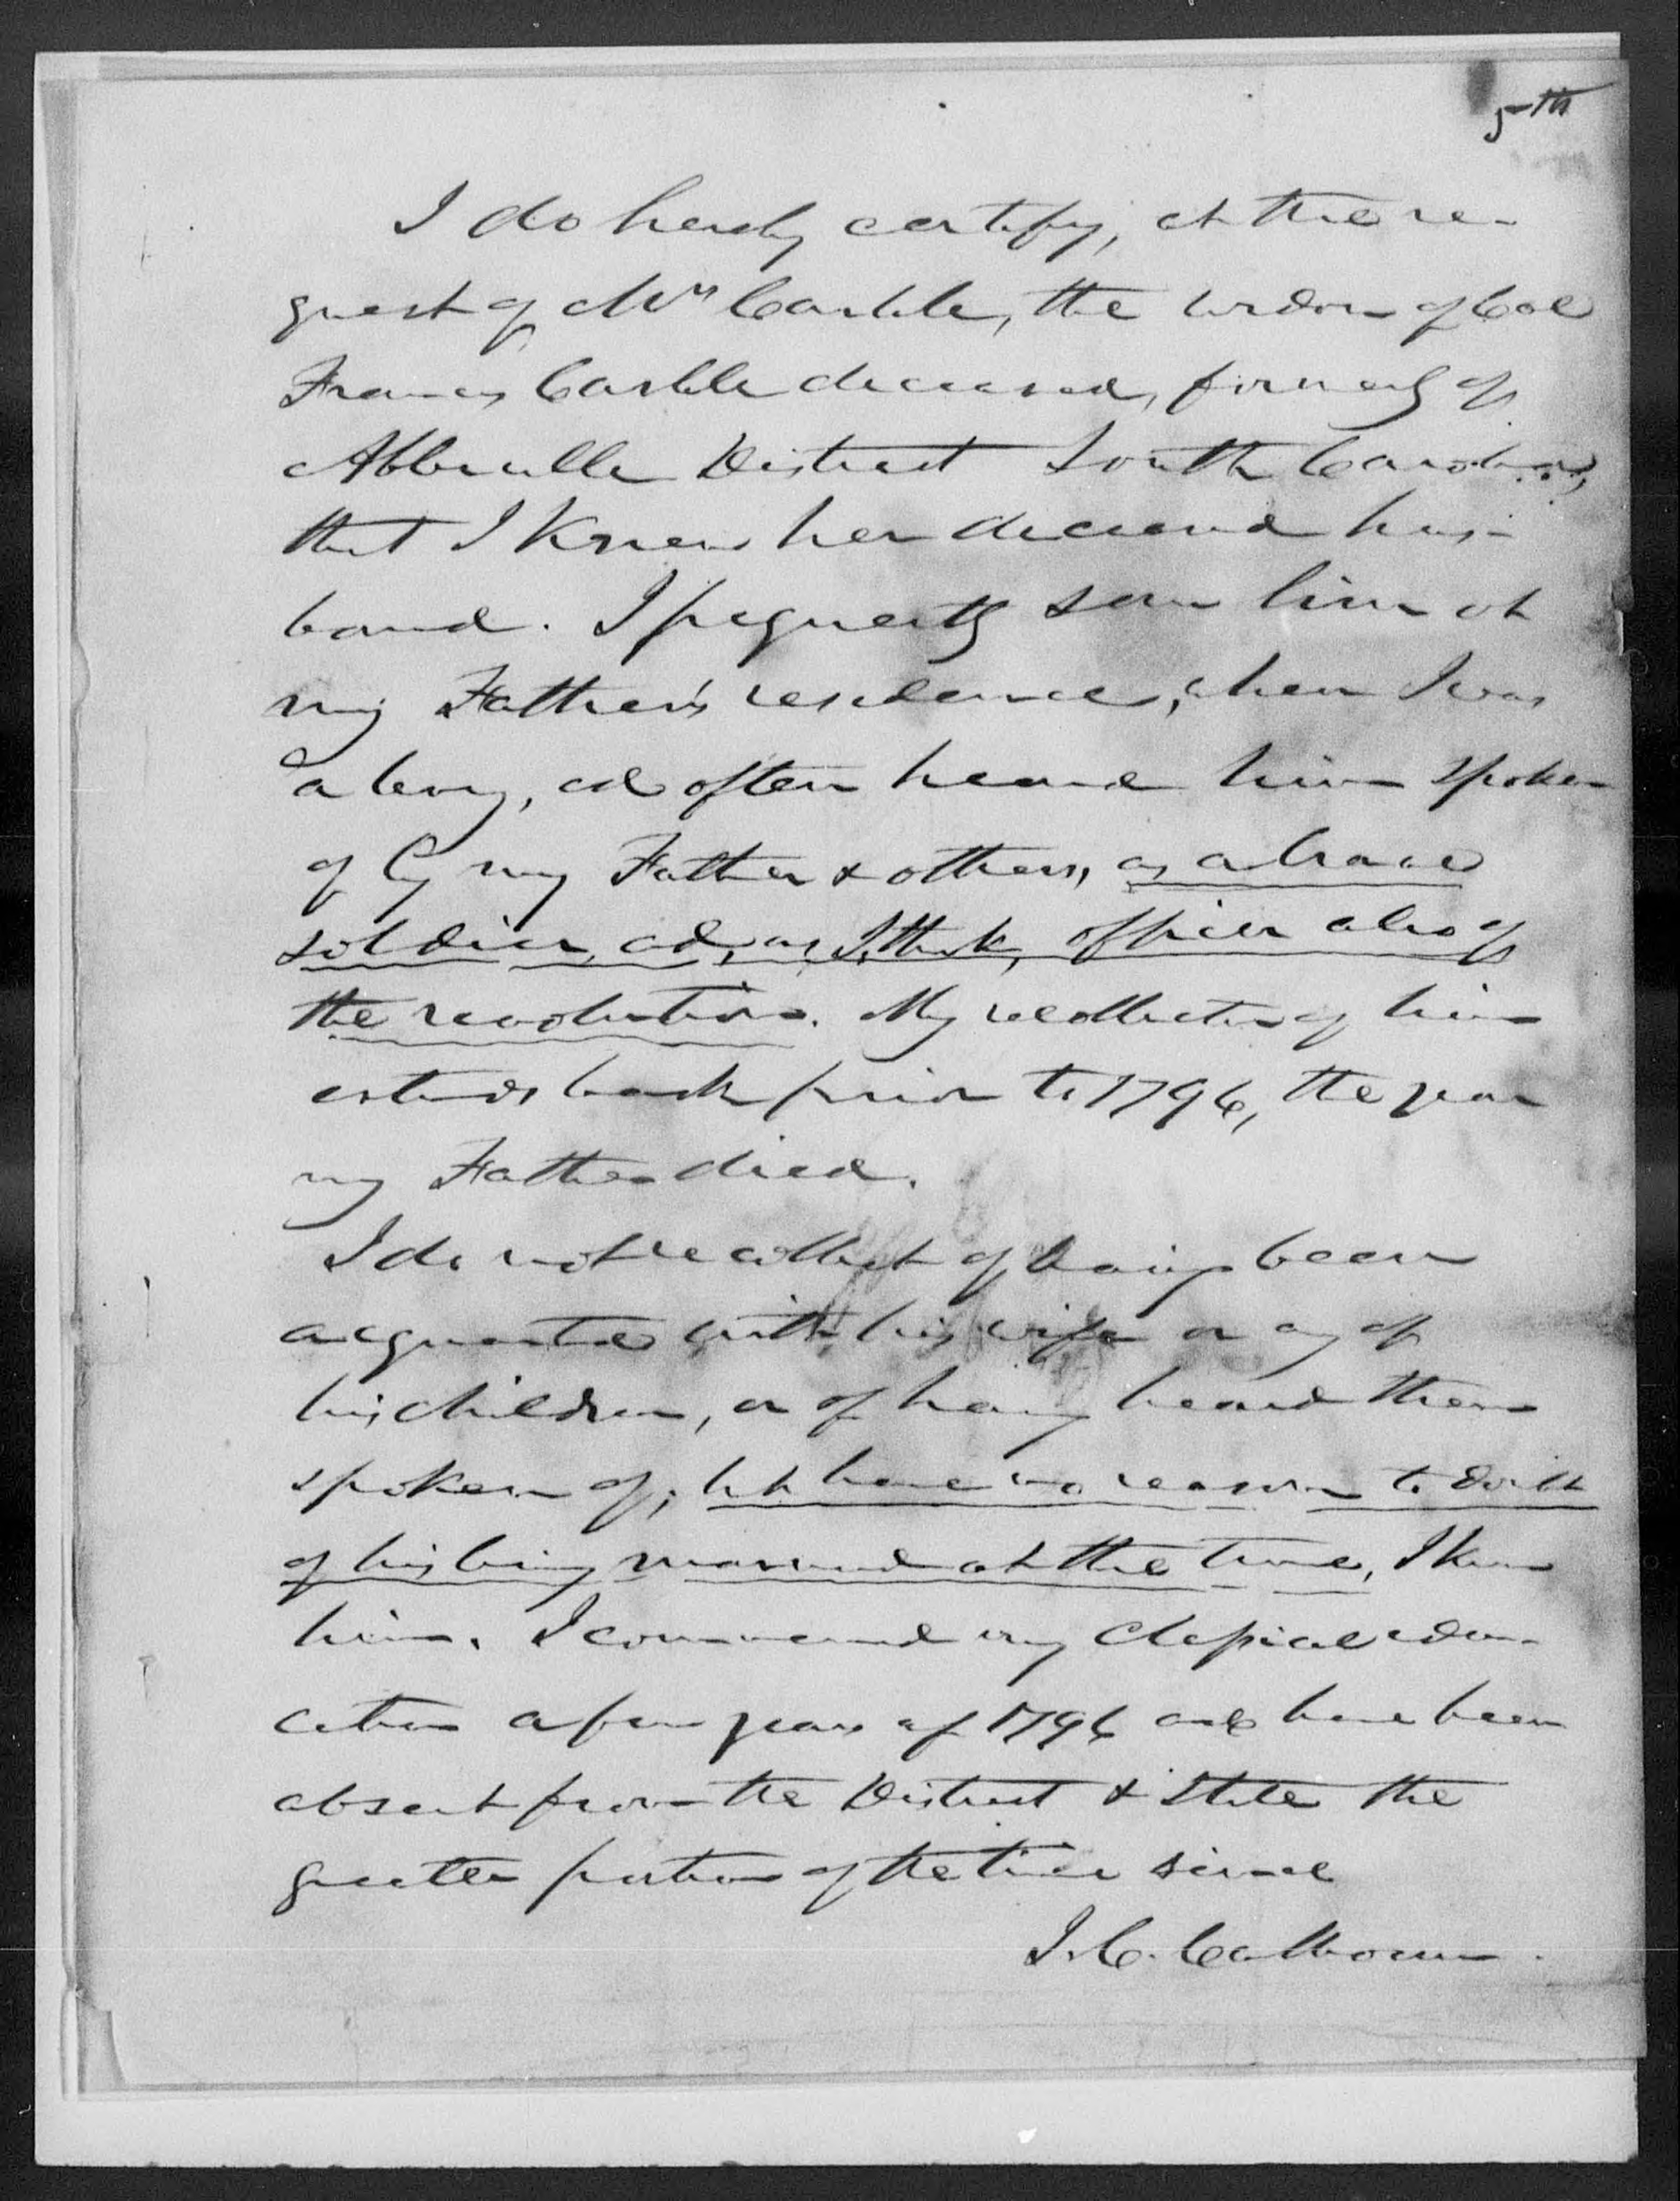I do herby certify, at the request of Mrs Carlile, the widow of Col
Frances Carlile deceased, formerly of
Abbeville District South Carolina
that I knew her deceased husband. I frequently saw him at my Fathers residence, when I was a boy, and often heard him spoken of my Father & others, as a brave soldier as well, I think officer of the revolution. My recollection of him extends back prior to 1796, the year my Father died.
I do not recollect of having been
acquainted with his wife or any of
his children, or of having heard them
spoken of, but have no reason to doubt of his being married at the time, I knew him. I commend my [Illegible] afore years of 1794 and have been absent from the District & State the greater portion of the time since
J.C. Calhoun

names: Carlile, J C Calhoun, Francis Carlile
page: 57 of 91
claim: widow's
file: W. 10576, Francis Carlisle, S.C.